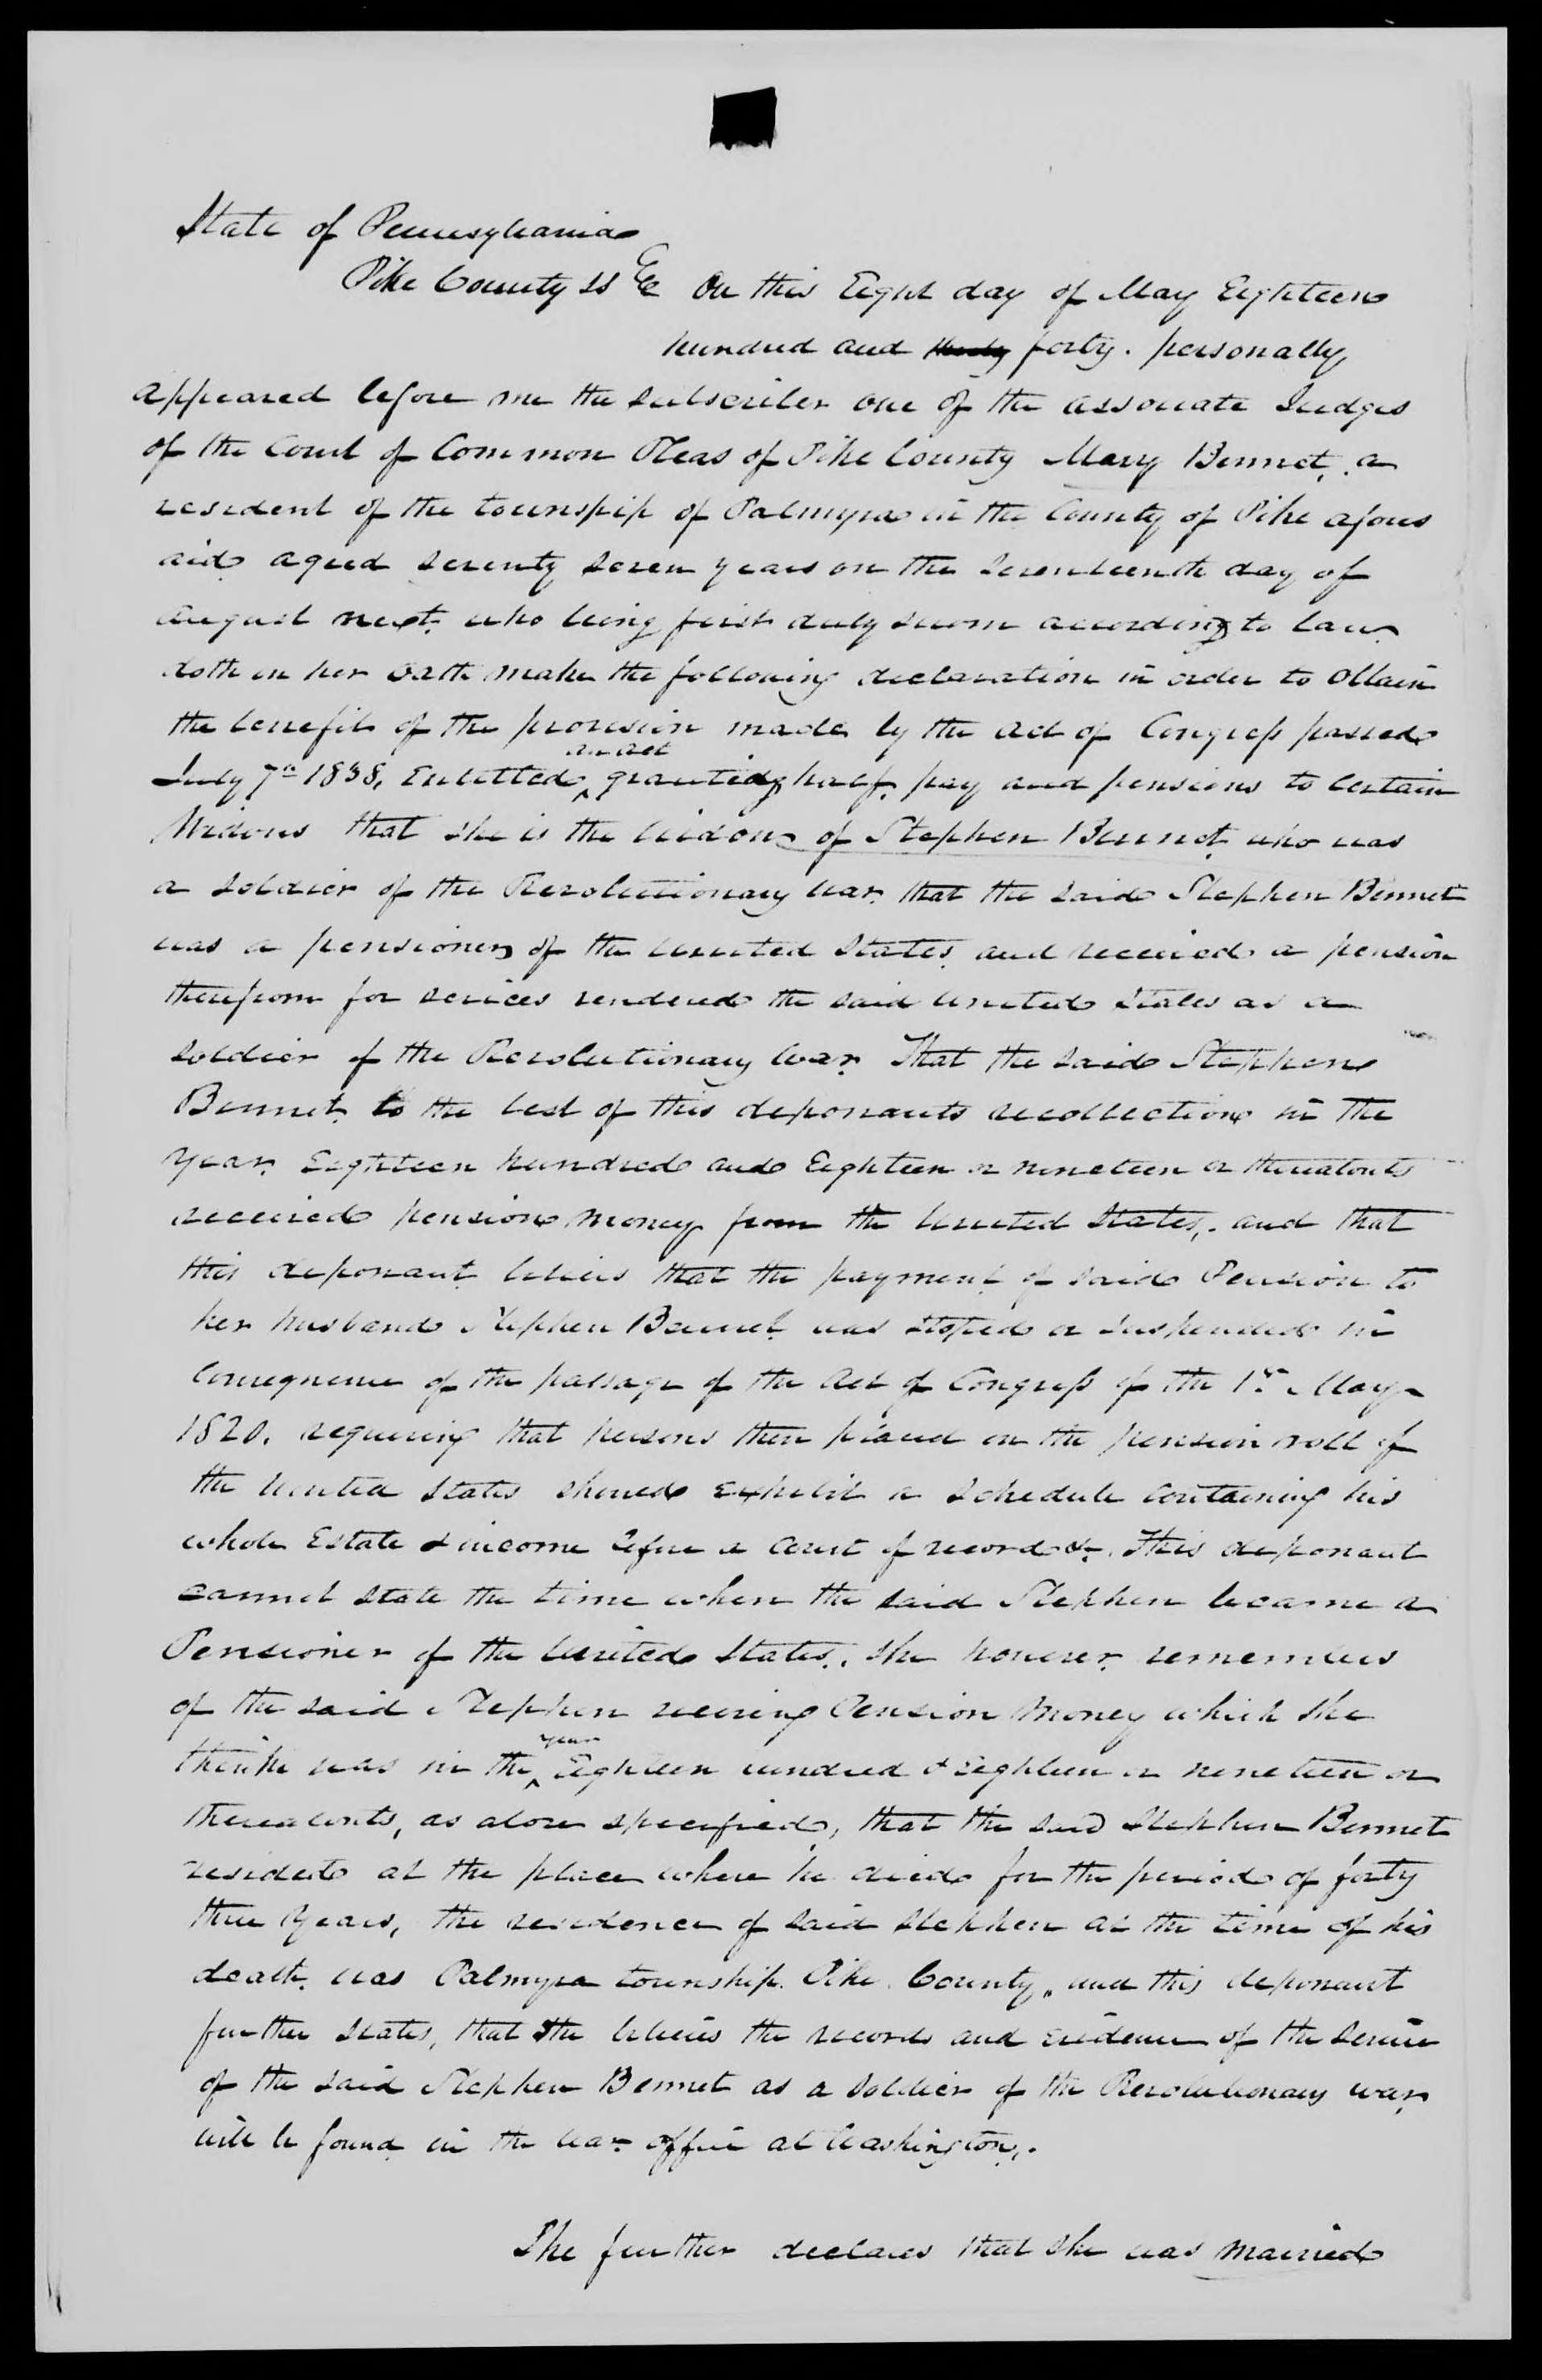State of Pennsylvania
Pike County SS
On this Eighth day of May Eighteen hundred and [mark out] forty. personally appeared before me the subscriber one of the associate Judges of the Court of Common Pleas of Pike County Mary Bennet, a resident of the township of Palmyra in the County of Pike aforesaid aged seventy seven years on the seventeenth day of August next who being first duly sworn according to law doth on her oath make the following declaration in order to obtain the benefit of the provision made by the act of Congress passed July 7th 1838, entitled an Act granted half pay and pensions to certain widows that she is the widow of Stephen Bennet who was a soldier of the Revolutionary War that the said Stephen Bennet was a pensioner of the said United States as a soldier received a  pension therefrom for services rendered the said United States as a soldier of the Revolutionary War.  That the said Stephen Bennet to the best of this deponants recollection in the year Eighteen hundred and Eighteen or nineteen or thereabout received pension money from the United States, and that this deponant believes that the payment of said pension to her husband Stephen Bennet was [illegible] stoped or suspended in consequence of the passage of the Act of Congress of the 1st May 1820. requiring that persons then placed on the pension roll of the United States should exhibit a schedule containing his whole Estate & income before court of record & This deponant cannot state the time when the said Stephen became a Pensioner of the United States. she however remembered of the said Stephen [illegible] Pension money which she thinks was in the year Eighteen hundred & Eighteen or nineteen or thereabouts as above specified, that the said Stephen Bennet resided at the place where he died for the period of forty three years, the residence of said Stephen at the time of his death was Palmyra township Pike County and this deponent further states that she believes the record and evidence of the service of the said Stephen Bennet as a soldier of the Revolutionary war will be found in the war office at Washington.

She further declared that she was married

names: Stephen Bennet, Stephen Bennet, Stephen Bennet, Stephen Bennet, Mary Bennet, Stephen Bennet, Stephen, Stephen, Stephen Bennet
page: 26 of 79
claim: widow's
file: W. 2,906, Stephen Bennet, Conn.